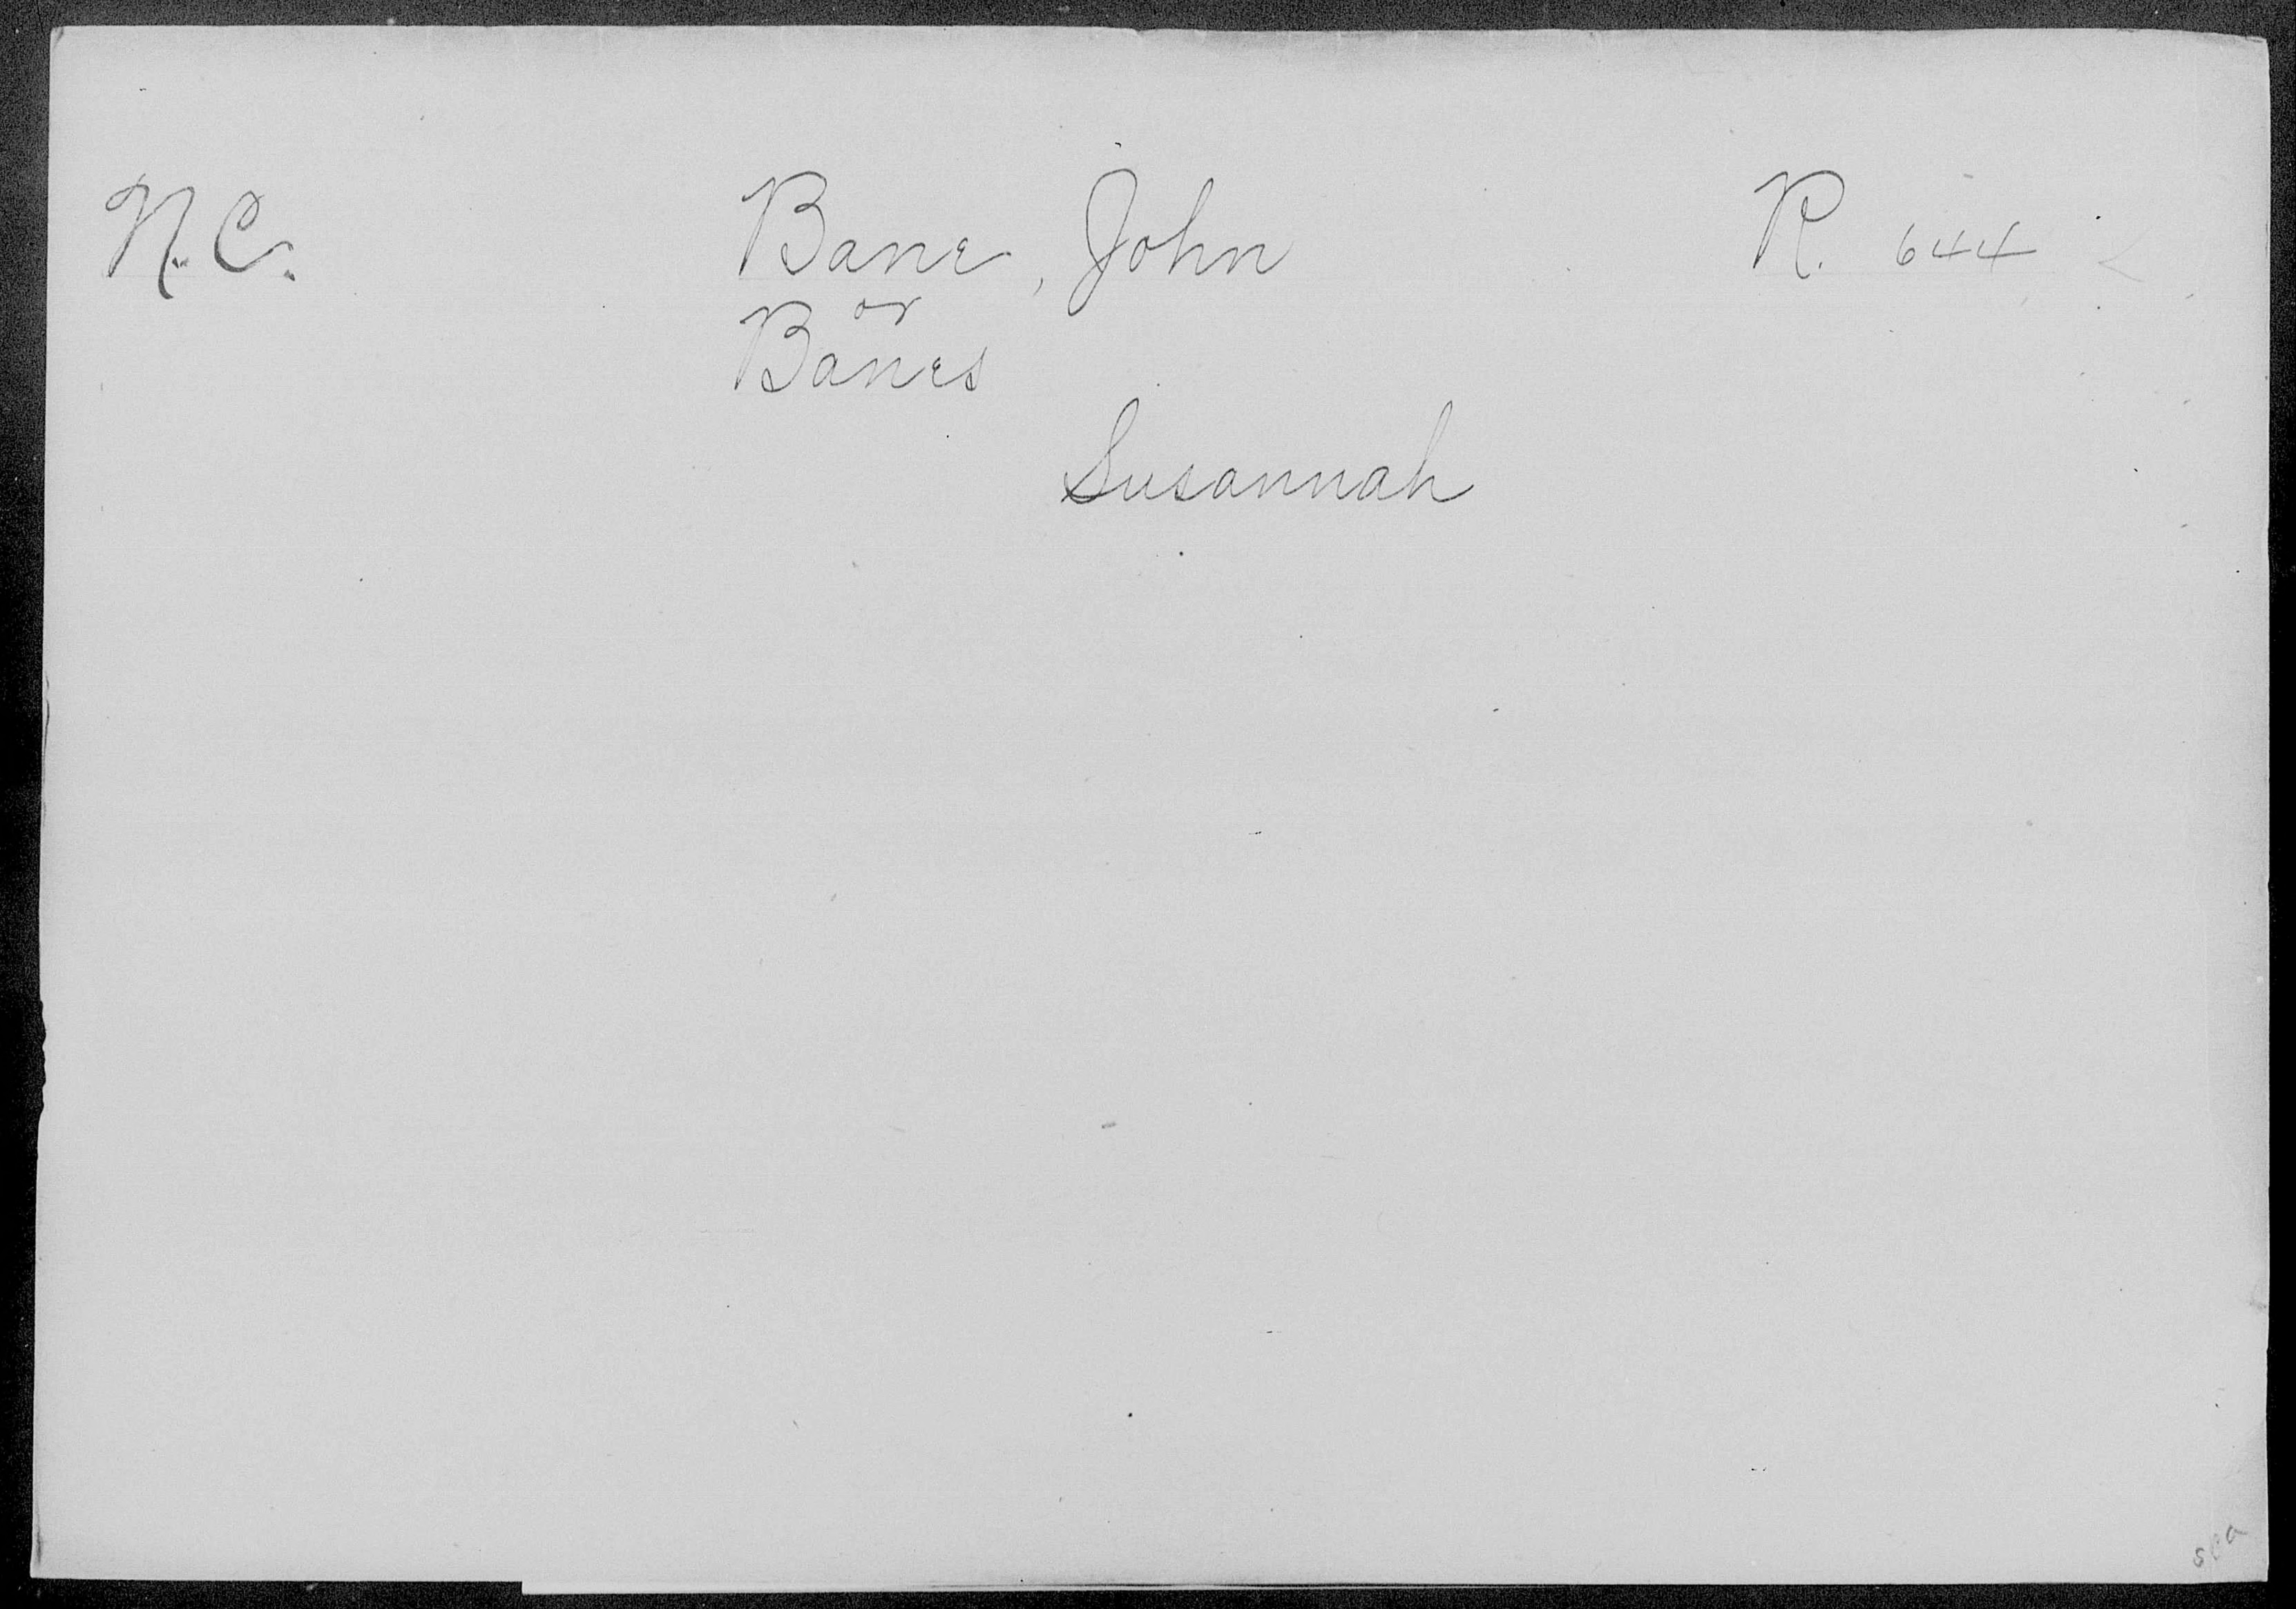N.C.

Bane, John 
or
Banes 
Susannah 
R. 644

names: John Banes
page: 1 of 1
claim: rejected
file: R. 644, John Bane, N.C.